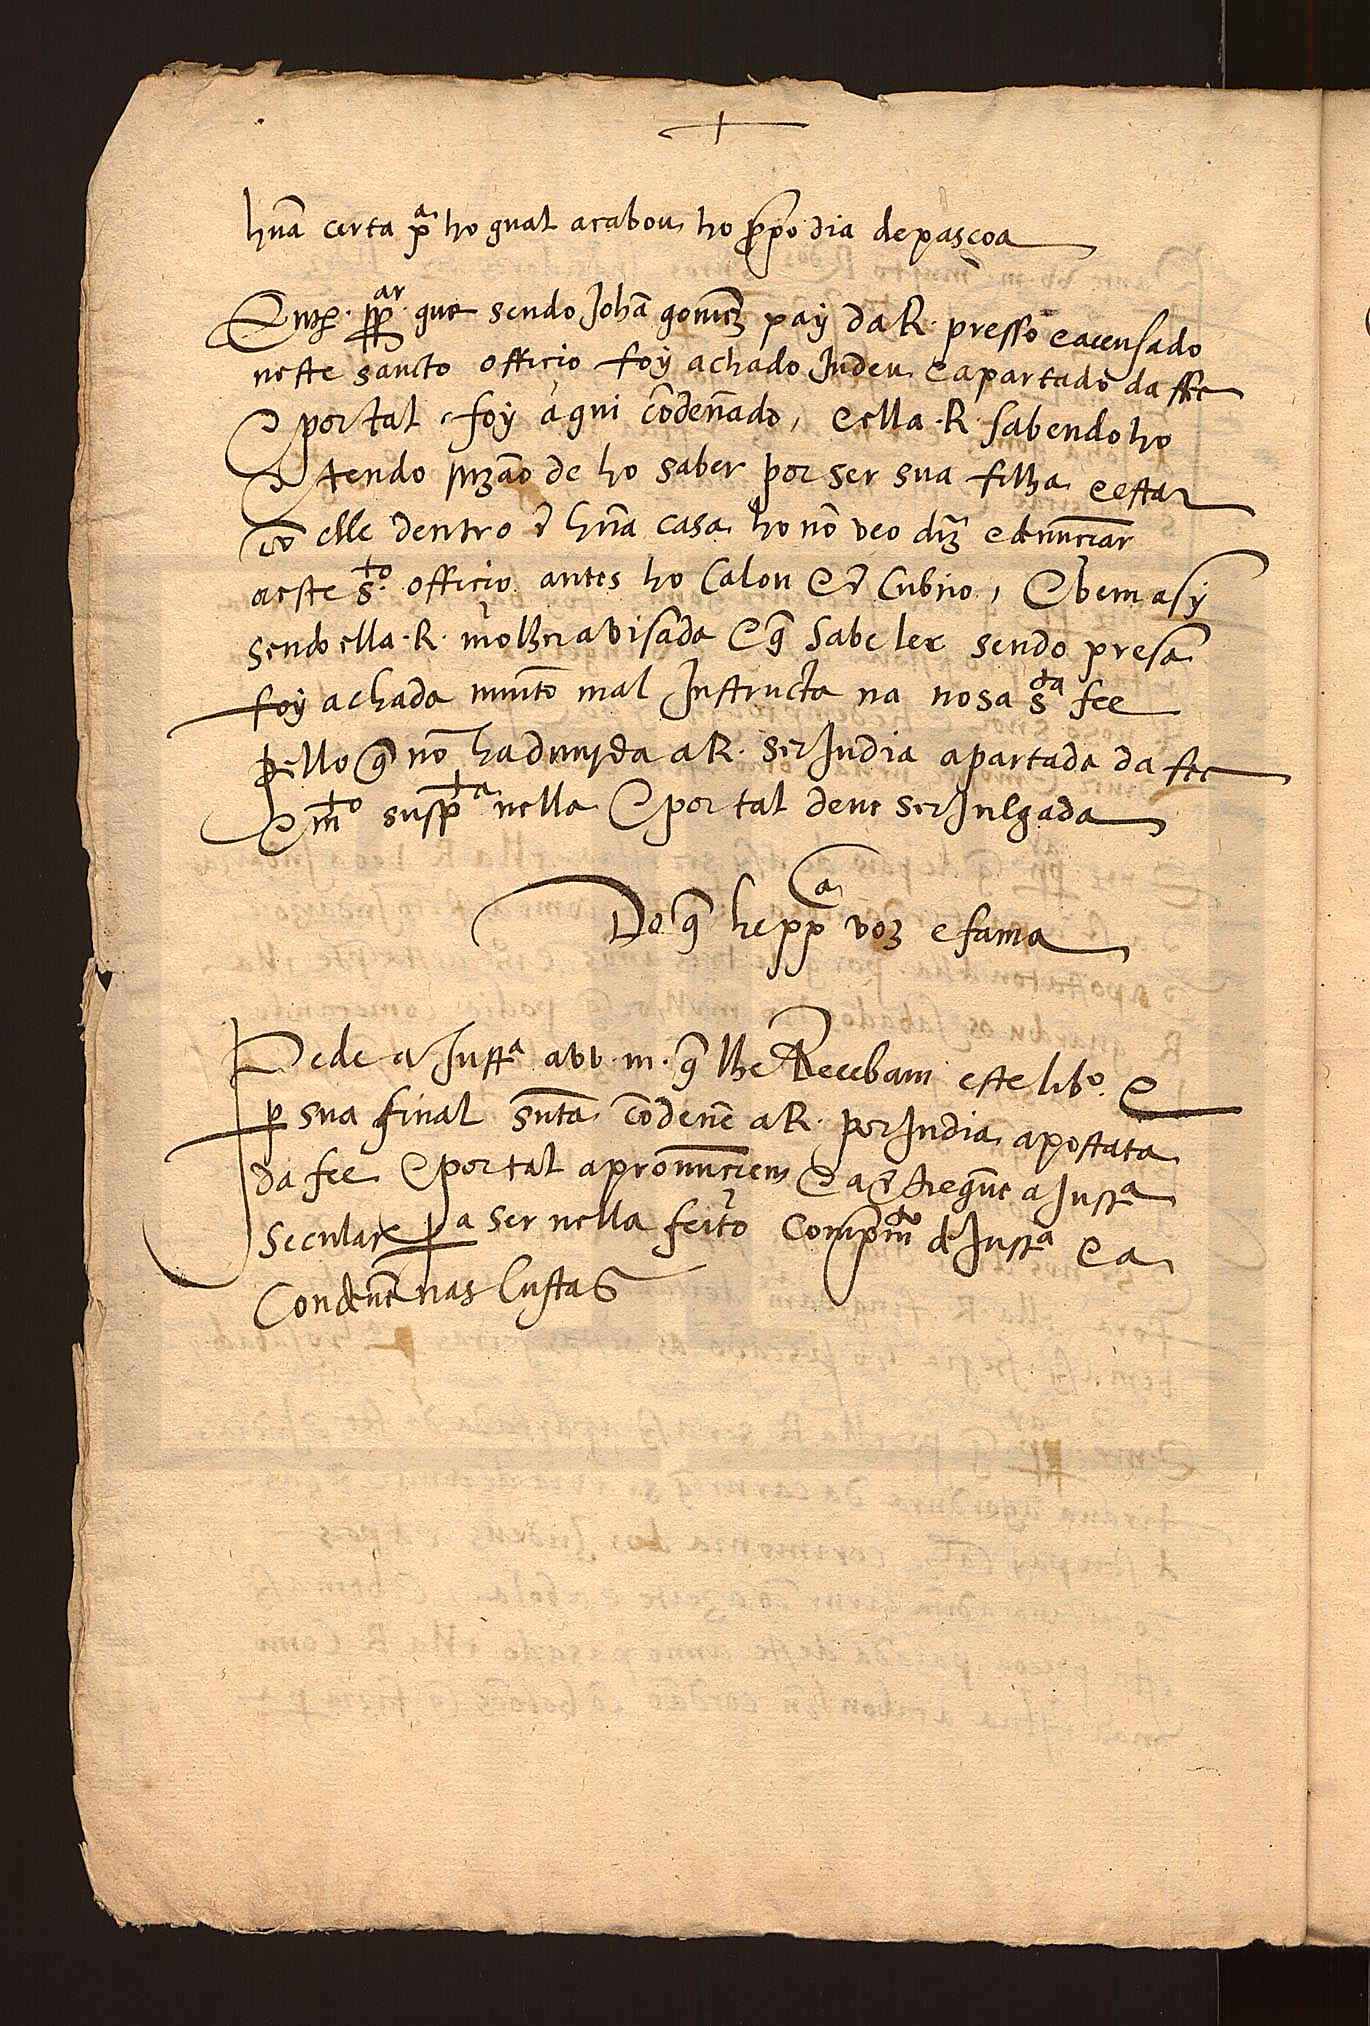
hūa certa pa ho qual acabou ho ꝓp̄o dia de pascoa
Entꝭ. ꝑꝑar. que sendo Johā gomez pay da R. presso e accusado
neste sancto offiçio foy achado Judeu e apartado da ffee
e por tal foy aqui cōdenado, e ella .R. sabendo ho
e tendo rezão de ho saber por ser sua filha e estar
c̄o elle dentro ē hūa casa ho nō veo diz̄ e denūçiar
a este S.to offiçio antes ho Calou e ēCubrio , e bem asy
sendo ella .R. molher avisada e q̄ sabe ler sendo presa
foy achada muito mal Jnstructa na nosa sta fee
pello q̄ nō ha duujda a R. ser Judia apartada da fee
e mto suspta nella e por tal deue ser Julgada
Do q̄ he ppCa voz e fama
Pede a Justa a vv. m. q̄ lhe Recebam este libo. e
ꝑ sua final s̄nta c̄odenē a R. por Judia apostata
da fee e por tal a pron̄uçiem e a ētregūe a Justa
Secular ꝑa ser nella feito comp̄meto de Justa e a
Conden̄e nas Custas
